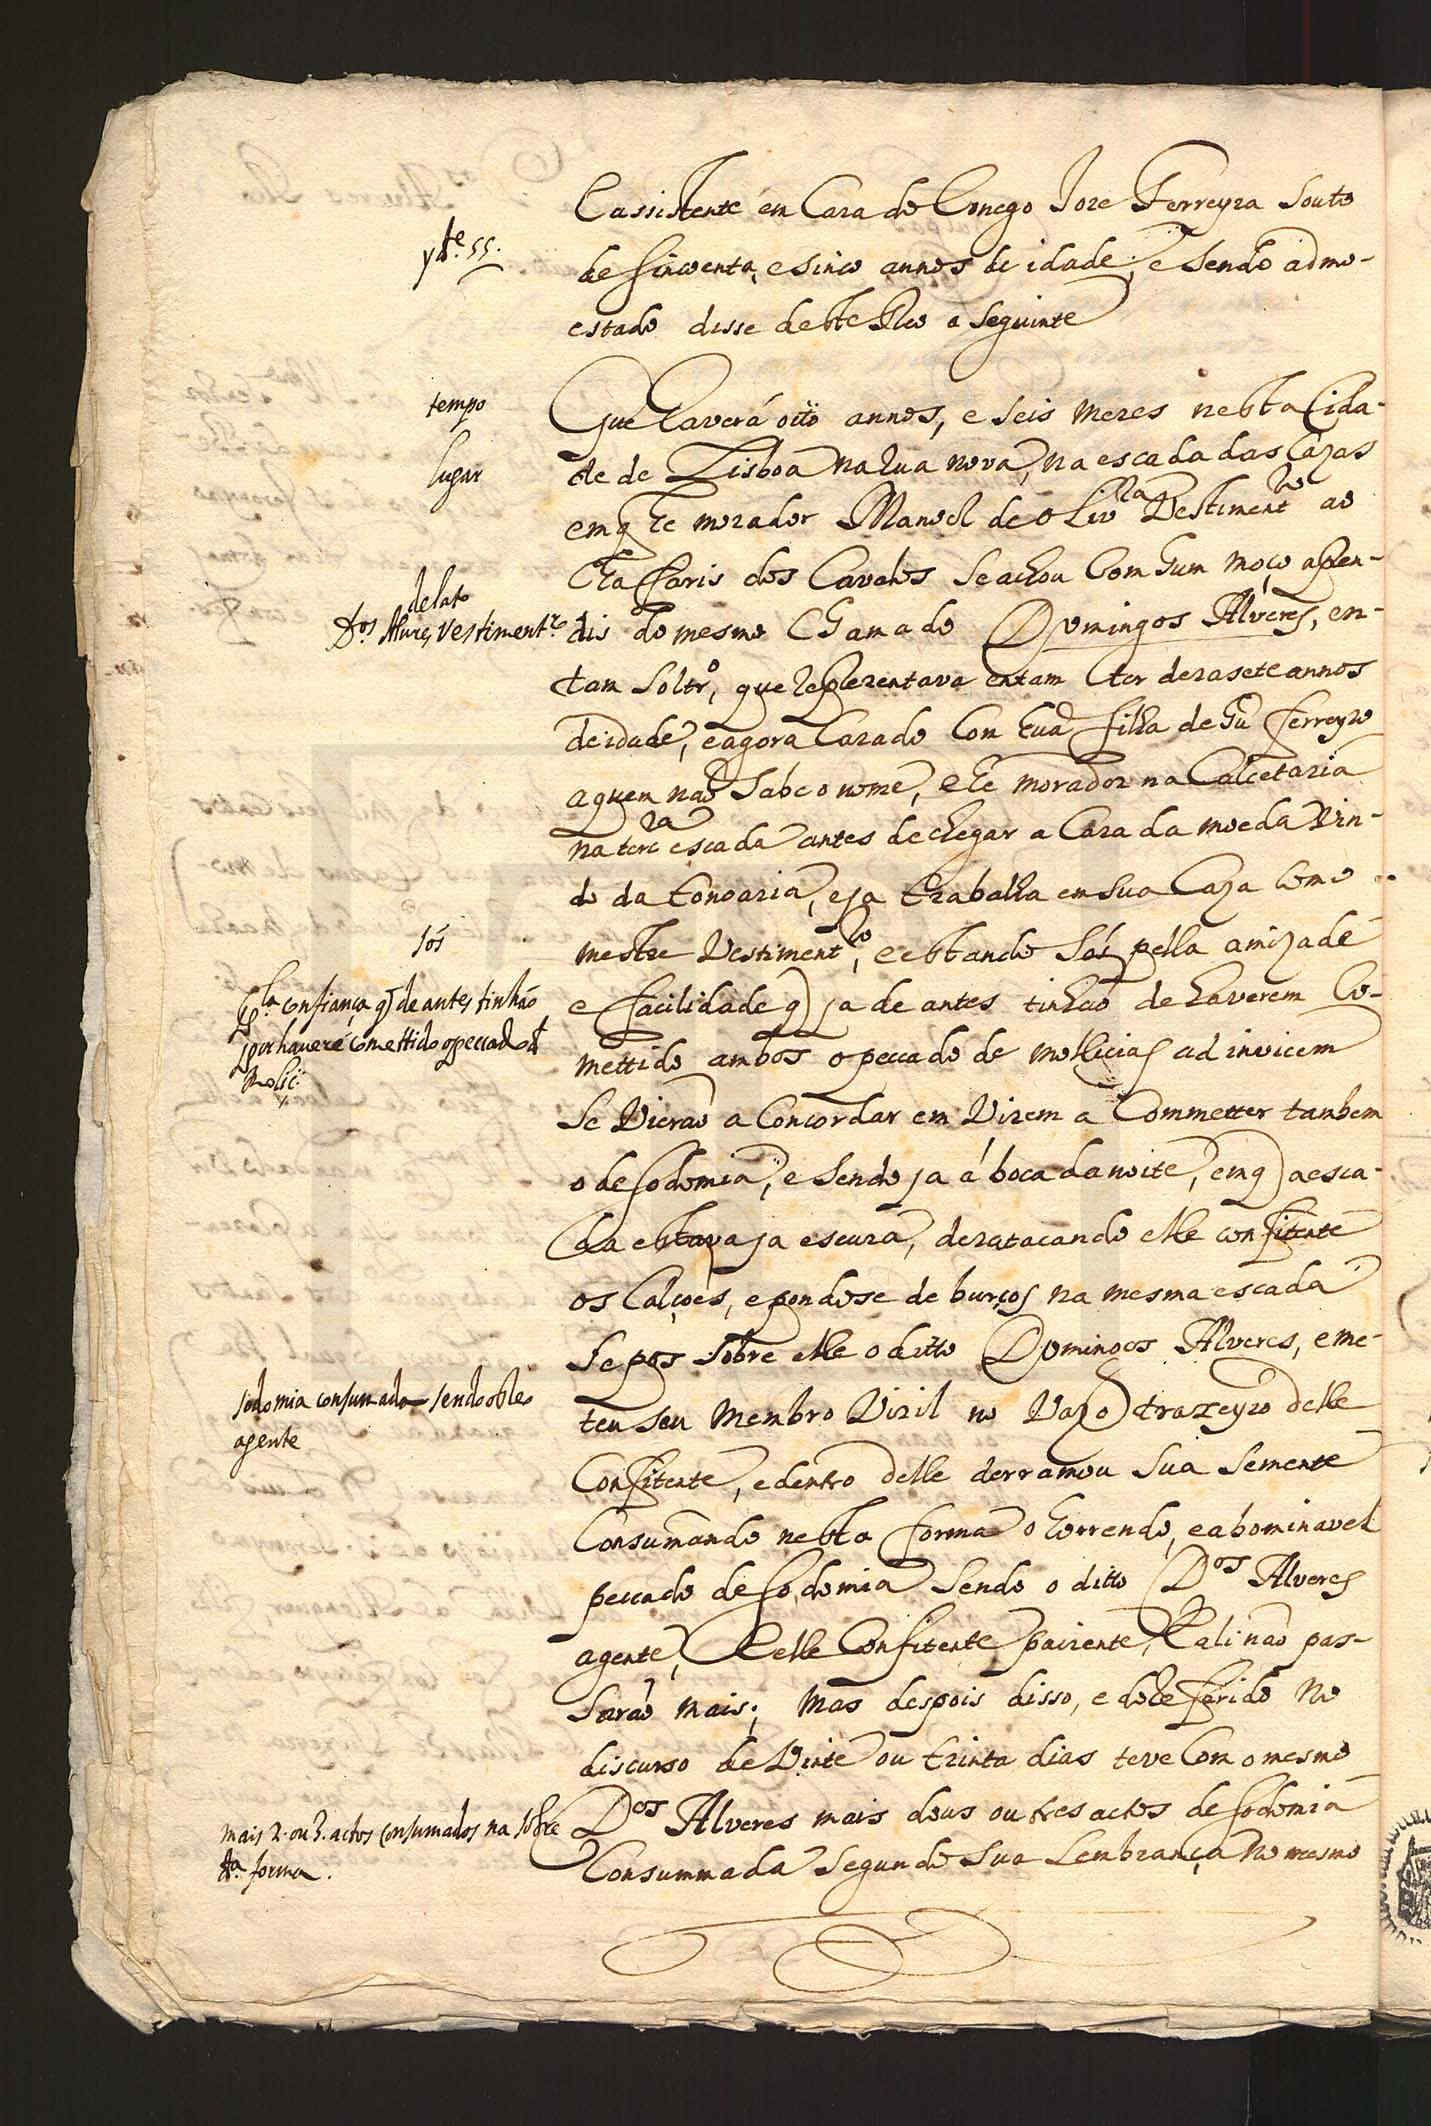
yd̄.e 55.
tempo
lugar
delato
D.os Alures vestiment.ro
sós
p.la confiança q̄ de antes tinhaõ
por hauerē comettido o peccado d̄
Moliç.
sodomia consumada sendo o Reo
agente
mais 2. ou 3. actos Consumados na sobre
d̄.a forma.
E assistente em Caza do Conego Ioze Ferreyra Souto
de sincoenta, e sinco annos de idade, e sendo admo
estado disse deste Reo a seguinte
Que haverá oito annos, e seis mezes nesta Cida
de de Lisboa na Rua nova, na escada das Cazas
em q̄ he morador Manoel de oLivra Vestiment.ro ao
Chafaris dos Cavalos se achou Com hum moço apren
dis do mesmo Chamado Domingos Alveres, en
tam soltro, que Reprezentava entam ter dezasete annos
de idade, e agora cazado Com huā filha de hū ferreyro
a quem naõ sabe o nome, e he morador na Calcetaria
na tercra escada antes de chegar a Caza da moeda Vin
do da tonoaria, e ja trabalha em sua Caza com o
meste Vestimentro, e estando sós pella amizade
e facilidade q̄ ja de antes tinhaõ de haverem, Co
mettido ambos o peccado de mollicias ad invicem
Se Vieraõ a Concordar em Virem a Commetter tambem
o de sodomia, e sendo ja á boca da noite, em q̄ a esca
da estava ja escura, dezatacando elle confitente
os Calções, e pondose de burços na mesma escada
se pos sobre elle o ditto Domingos Alveres, e me
teu seu membro Viril no Vazo trazeyro delle
Confitente, e dentro delle derramou sua semente
Consumando nesta forma o horrendo, e abominavel
peccado de Sodomia Sendo o ditto D.os Alveres
agente, E elle Confitente paciente, E ali naõ pas
Saraõ mais; mas despois disso, e do Referido no
discurso de Vinte ou trinta dias teve Com o mesmo
Dos Alveres mais dous ou tres actos de sodomia
Consummada segundo sua Lembrança no mesmo
